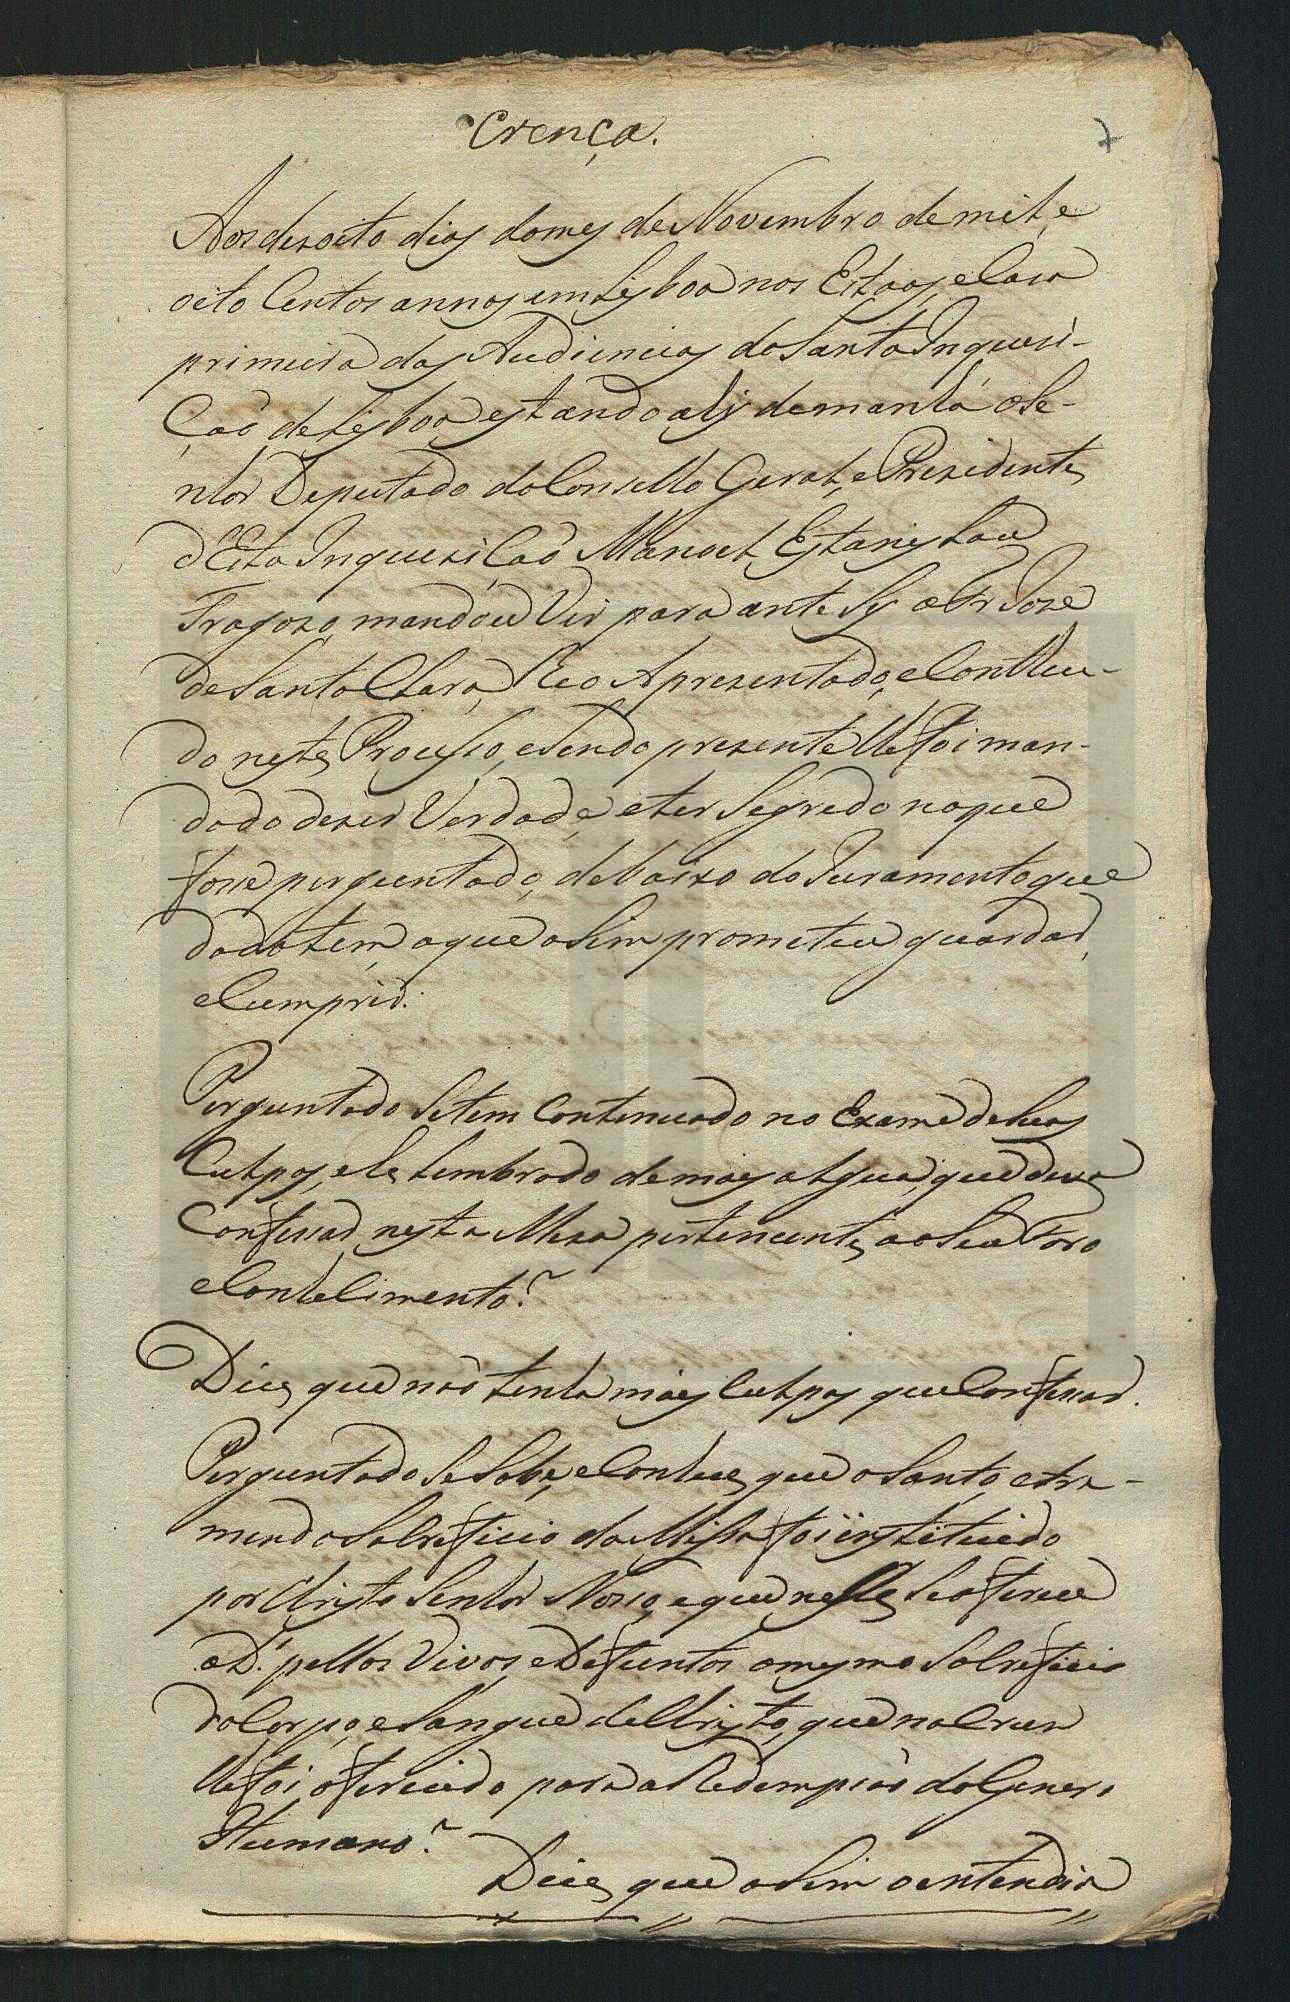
Crença.
Aos dezoito dias do mes de Novembro de mil, e
oitoCentos annos em Lisboa nos Estaos e Caza
primeira das Audiencias da Santa Inquizi
Çaõ de Lisboa estando ahy de manhã o Se
nhor Deputado do Conselho Geral, e Prezidente
d'Esta InqueziÇaõ Manoel EstanisLau
Fragozo mandou Vir para ante Sy a Fr Ioze
de Santa Clara Reo Aprezentado, e Contheu
do neste Processo e sendo prezente lhe foi man
dado dizer Verdade, e ter Segredo no que
fosse perguntado, debaixo do Iuramento que
dado tem, o que aSim prometeu guardar,
e Cumprir.
Perguntado se tem contenuado no Exame de suas
Culpas, e he Lembrado de mais algua, que deve
Confessar nesta Meza pertencente ao Seu Foro
e ConheCimento?
Dice que naõ tinha mais culpas que Confessar
Perguntado se Sabe, e Conhece que o Santo e tre
mendo SaCrificio da Missa foi instituido
por Christo Senhor Nosso, e que nelle se oferece
a D̄ pellos Vivos e Defuntos o mesmo SaCreficio
do Corpo, e Sangue de Christo, que na Cruz
lhe foi oferecido para a Redempsaõ do Genero
Humano?
Dice que aSim o entendia
